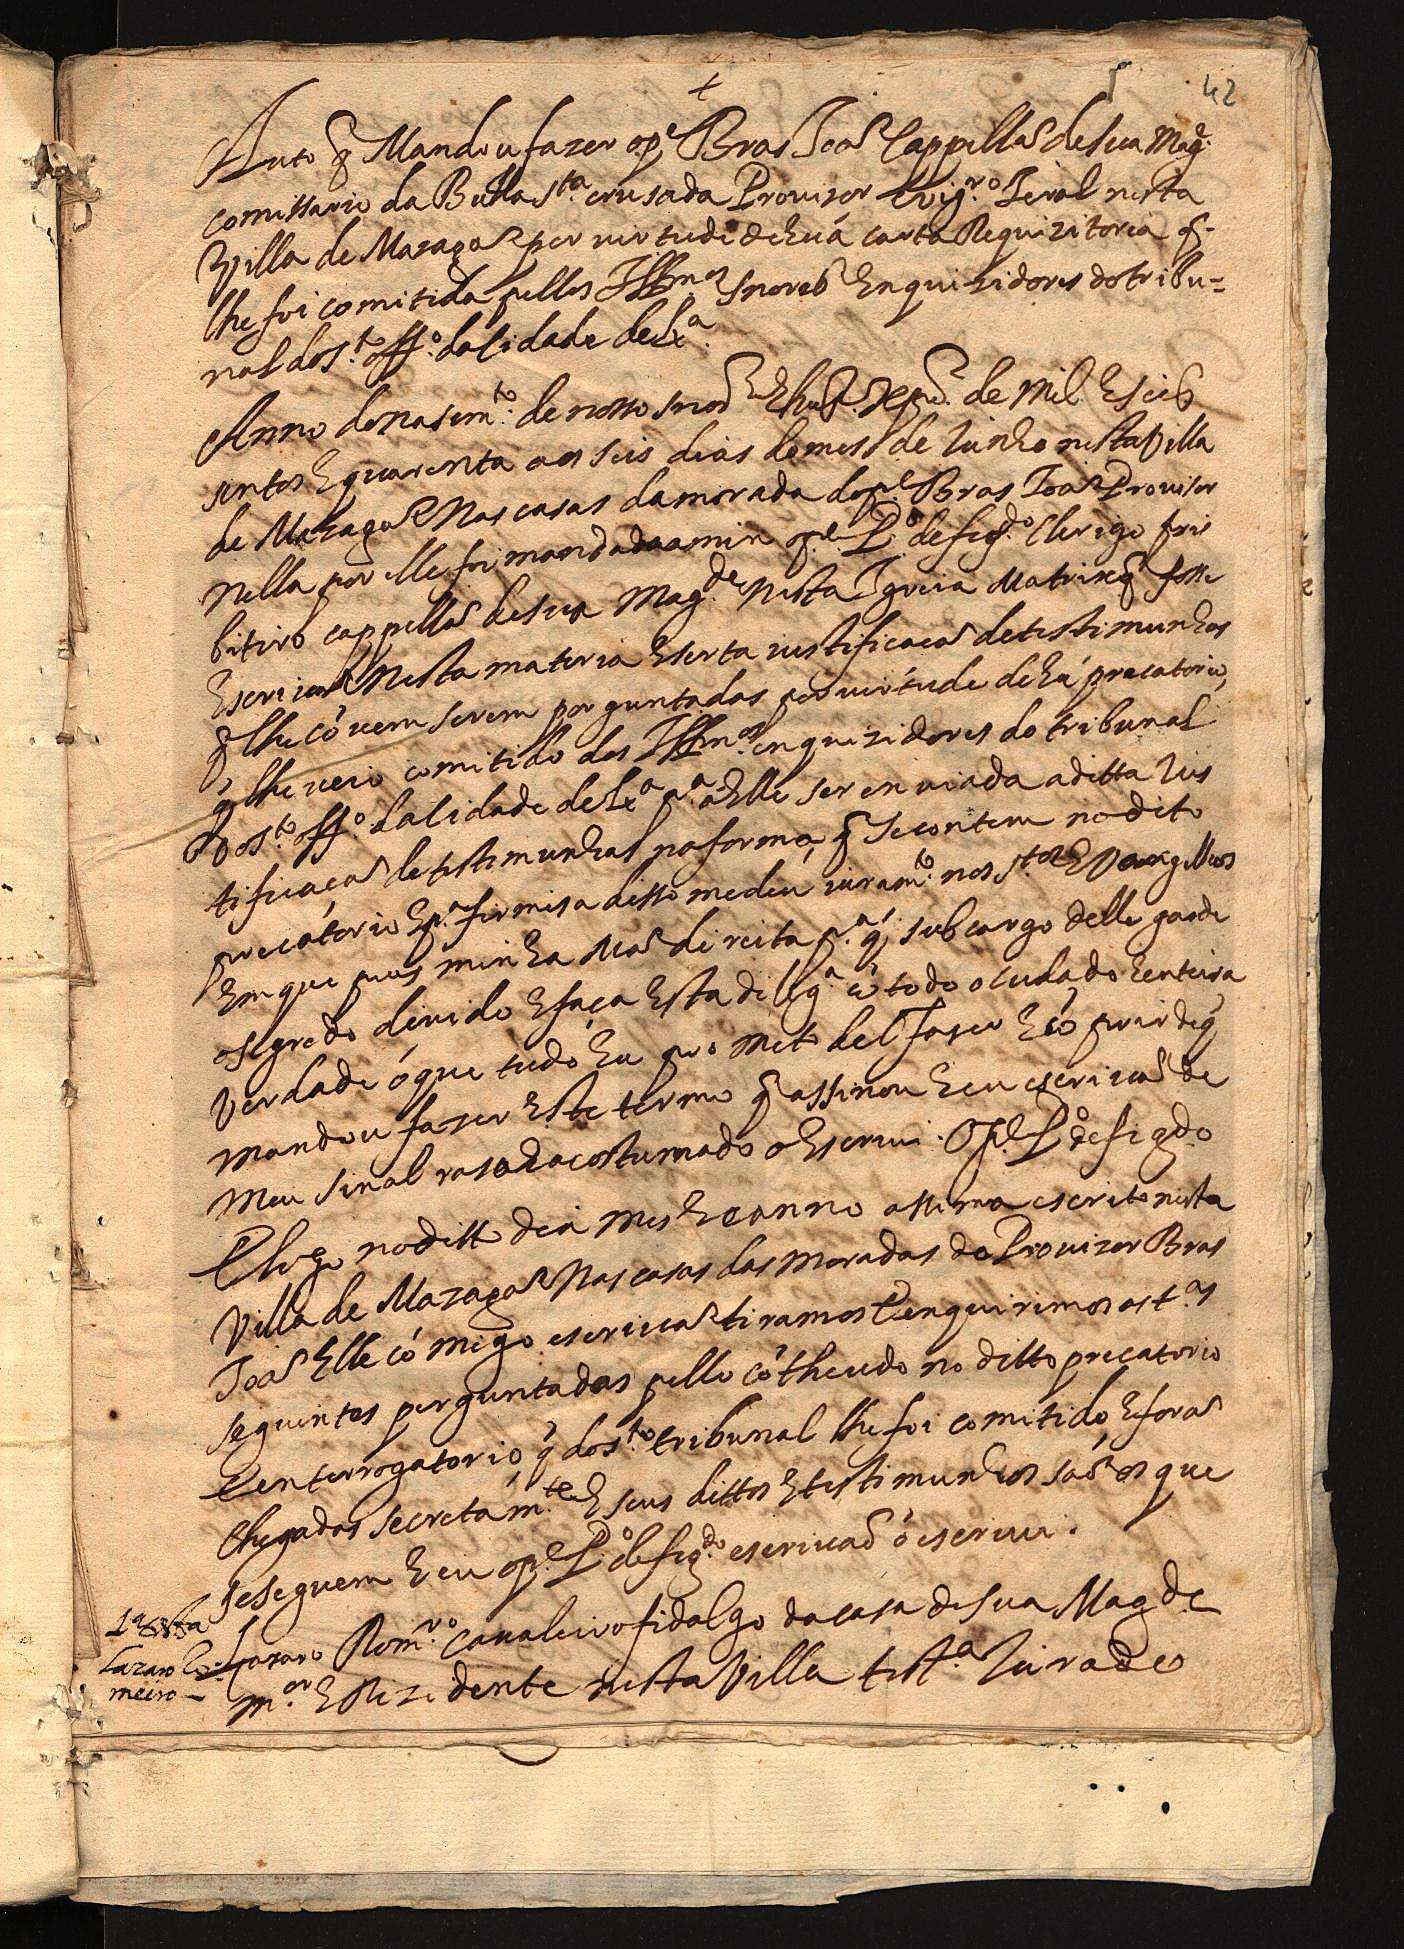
Auto q̄ Mandou fazer o pe Bras Joāo Cappellaõ de sua Mag.e
comissario da Bulla Sta. crusada Prouizor e vig.ro Jeral nesta
Villa de Mazagaõ e por uirtude de huā carta Requizitoria q̄
lhe foi comitida pellos Ill.mos Snores̄ Enquizidores do tribu
nal do s.to off.o da Cidade de Lxa.
Anno do nasimto. de nosso snor̄ Ihus̄ xpō. de mil E seis
centos E quarenta aos seis dias do mes de Junho nesta Villa
de Mazagaõ e Nas casas da morada do pe Bras Joaõ Prouisor
nella por elle foi mandado a min o pe Po de fig.do Clerigo pris
bitiro cappellaõ de sua mag.de nesta Igreia Matrix q̄ fosse
Escriuaõ nesta materia E serta iustificaçaõ de testimunhas
q̄ lhe cōuem serem perguntadas por uirtude de hū precatorio,
q̄ lhe ueio comitido dos Illmos inquizidores do tribunal
do s.to offo da Cidade de Lxa pa a Elle ser enuiada a ditta jus
tificaçaõ de testemunhas na forma, q̄ se contem no dito
precatorio E pa firmisa desse me deu iuram.to nos s.tos Evangelhos
Em que pus minha Maõ direita p.a q̄ sub cargo delle garde
o segredo diuido E faça Esta dilig.a cō todo o cudado E enteira
Verdade o que tudo Eu prometo de o faser E cōprir de q̄
mandou fazer Este termo q̄ assinou E eu escriuaõ de
meu sinal raso E acostumado o Escreui. O p.e Po de figdo
E logo no ditto dia mes E anno assima escrito nesta
Villa de Mazagāo nas casas das moradas do Prouizor Bras
Joaõ Elle comigo escriuāo tiramos E enquirimos as t.as
seguintes perguntadas pello cōtheudo no ditto precatorio
e enterrogatorio, q̄ do s.to tribunal lhe foi comitido, E foraõ
chegadas secretam.te E seus dittos E testimunhos saõ os que
se seguem E eu o pe Po de fig.do escriuaõ o escreui.
1a testa
Lazaro Ro
meiro -
Lazaro Rom.ro caualeiro fidalgo da casa de sua Magd.e
m.or E Rezidente nesta Villa test.a Iurado
